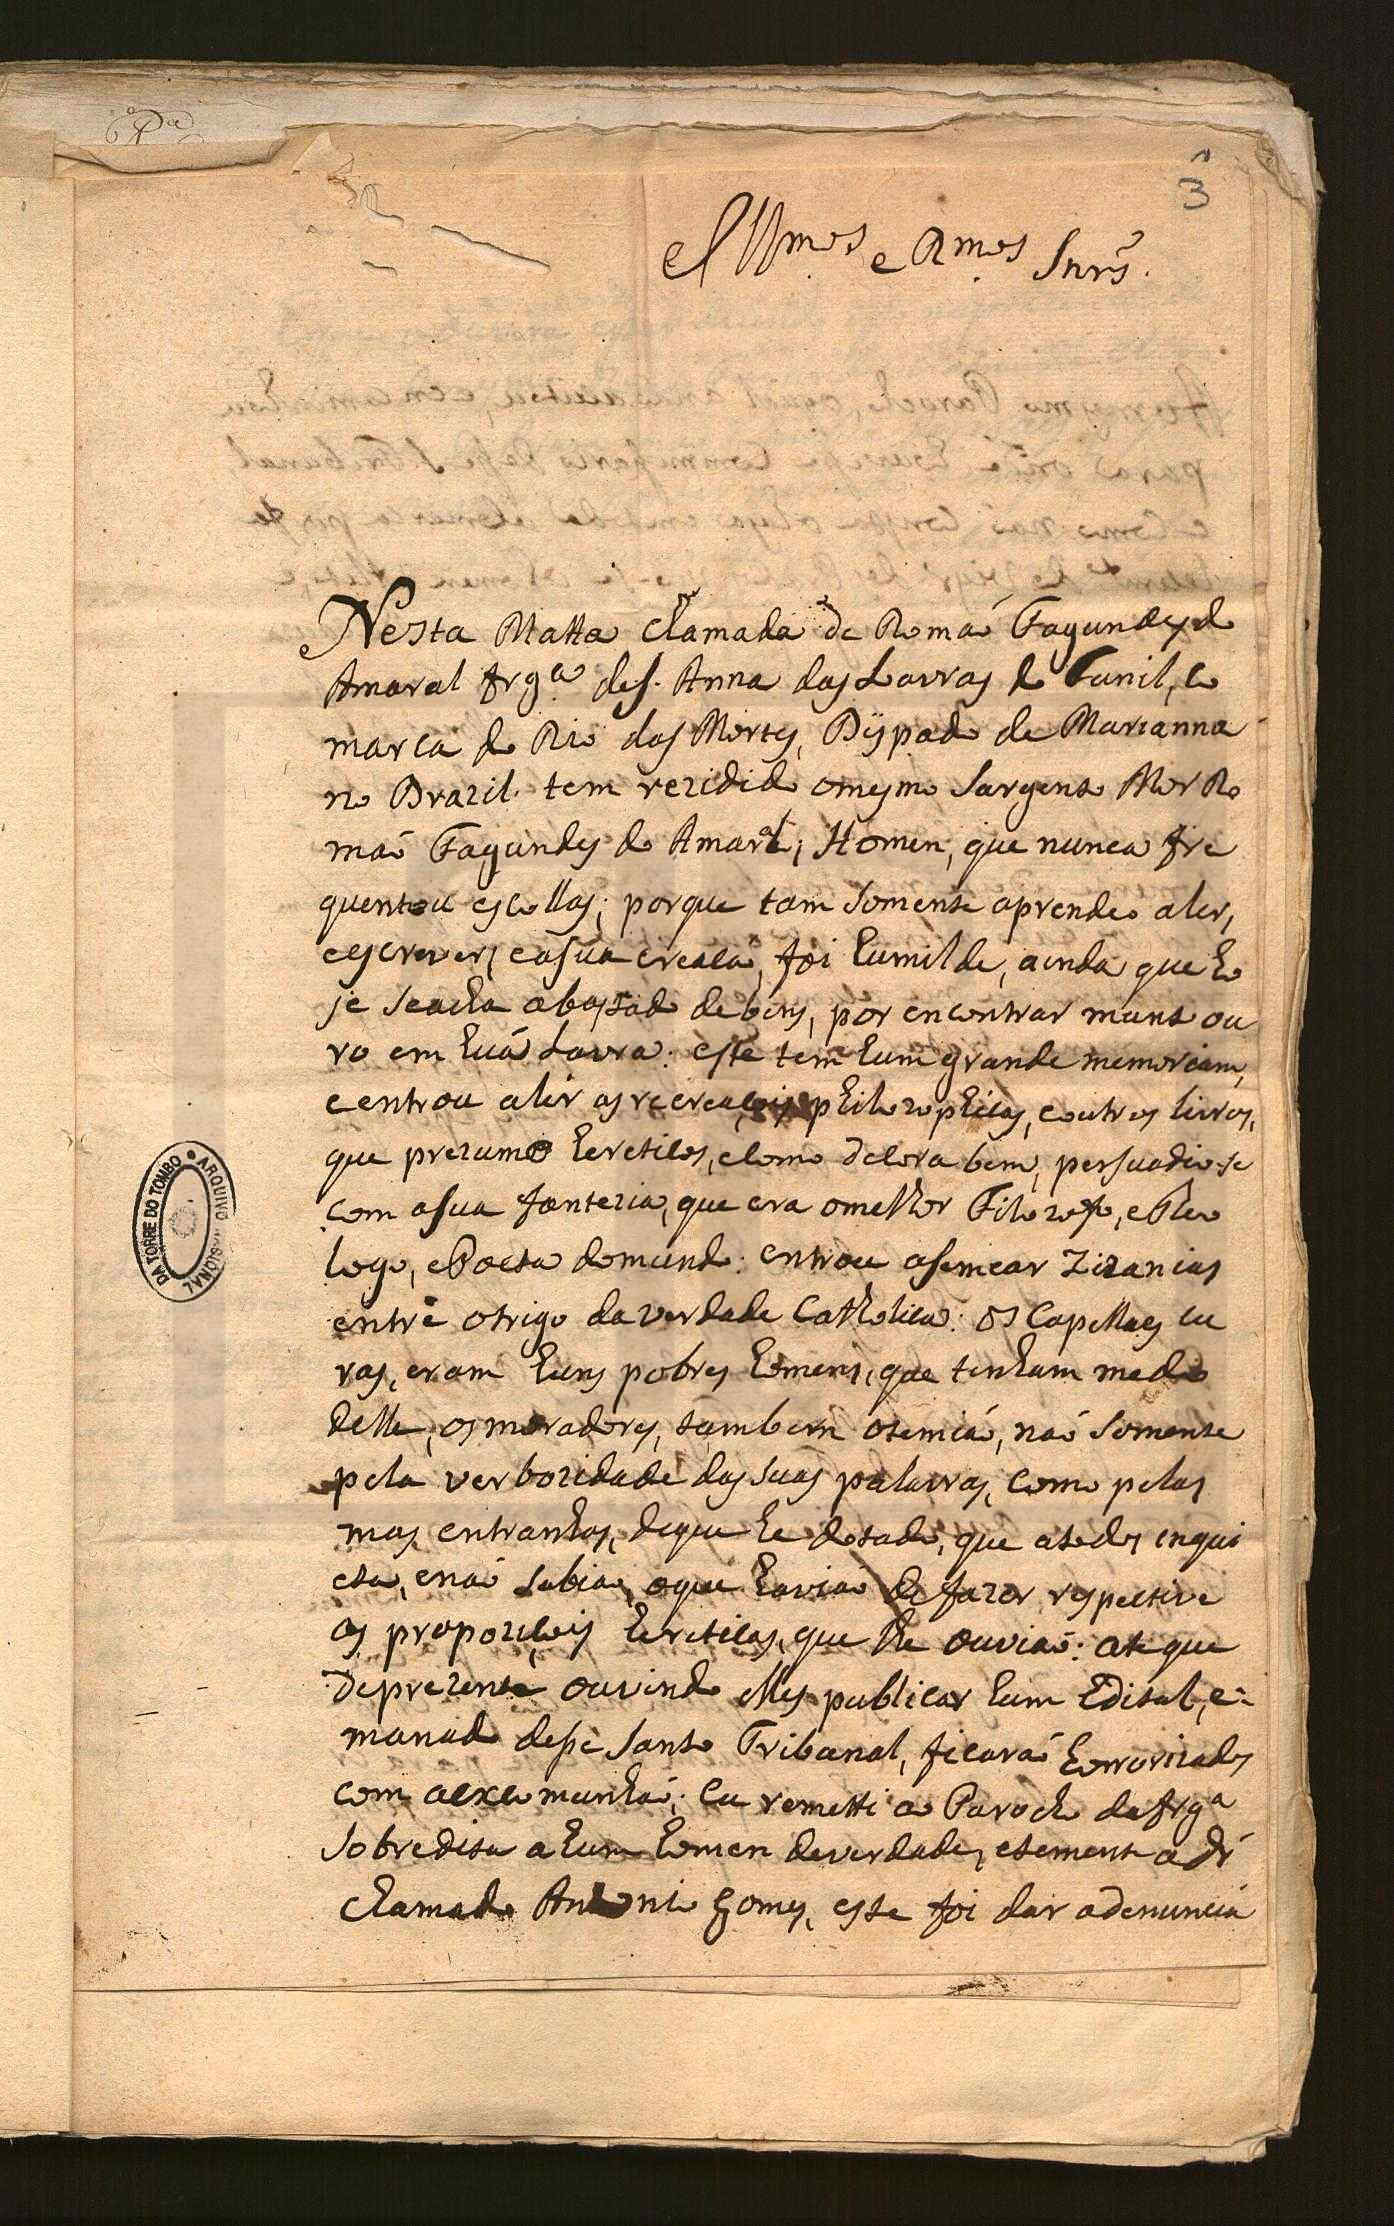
Ill.mos e R.mos Snrs̄.
Nesta Matta chamada de Romaõ Fagundes do
Amaral freg.a de S. Anna das Lavras do Funil, co
marca do Rio das Mortes, Bispado de Marianna
no Brazil tem rezidido o mesmo Sargento Mor Ro
maõ Fagundes do Amaral, Homen; que nunca fre
quentou escollas; porque tam somente aprendeo a ler,
e escrever e a sua creacaõ, foi humilde, ainda que ho
je se acha abastado de bens, por encontrar munto ou
ro em huā Lavra: este tem hum grande memoriam,
e entrou a lir as recreaçois philozophicas, e outros livros,
que prezumo hereticos, e como decora bem, persuadio-se
com a sua fantezia, que era o melhor Filozofo, e Theo
Logo, e Poeta do mundo: entrou a Semear Zizanias
entre o trigo da verdade Catholica: os Capellaes cu
ras, eram huns pobres homens, que tinham medo
delle, os moradores, tambem o temiaõ, naõ somente
pela verbozidade das suas palavras, como pelas
mas entranhas, de que he dotado, que a todos enqui
eta, e naõ sabia o que haviaõ de fazer respective
as propozeçois hereticas, que lhe ouviaõ: ate que
de prezente ouvindo elles publicar hum Edital, e
manado desse santo Tribunal, ficaraõ horrorizados
com a excomunhaõ; eu remetti ao Parocho da frga
sobredita a hum homen de verdade, e temente a ds̄
chamado Antonio Gomes, este foi dar a denuncia
